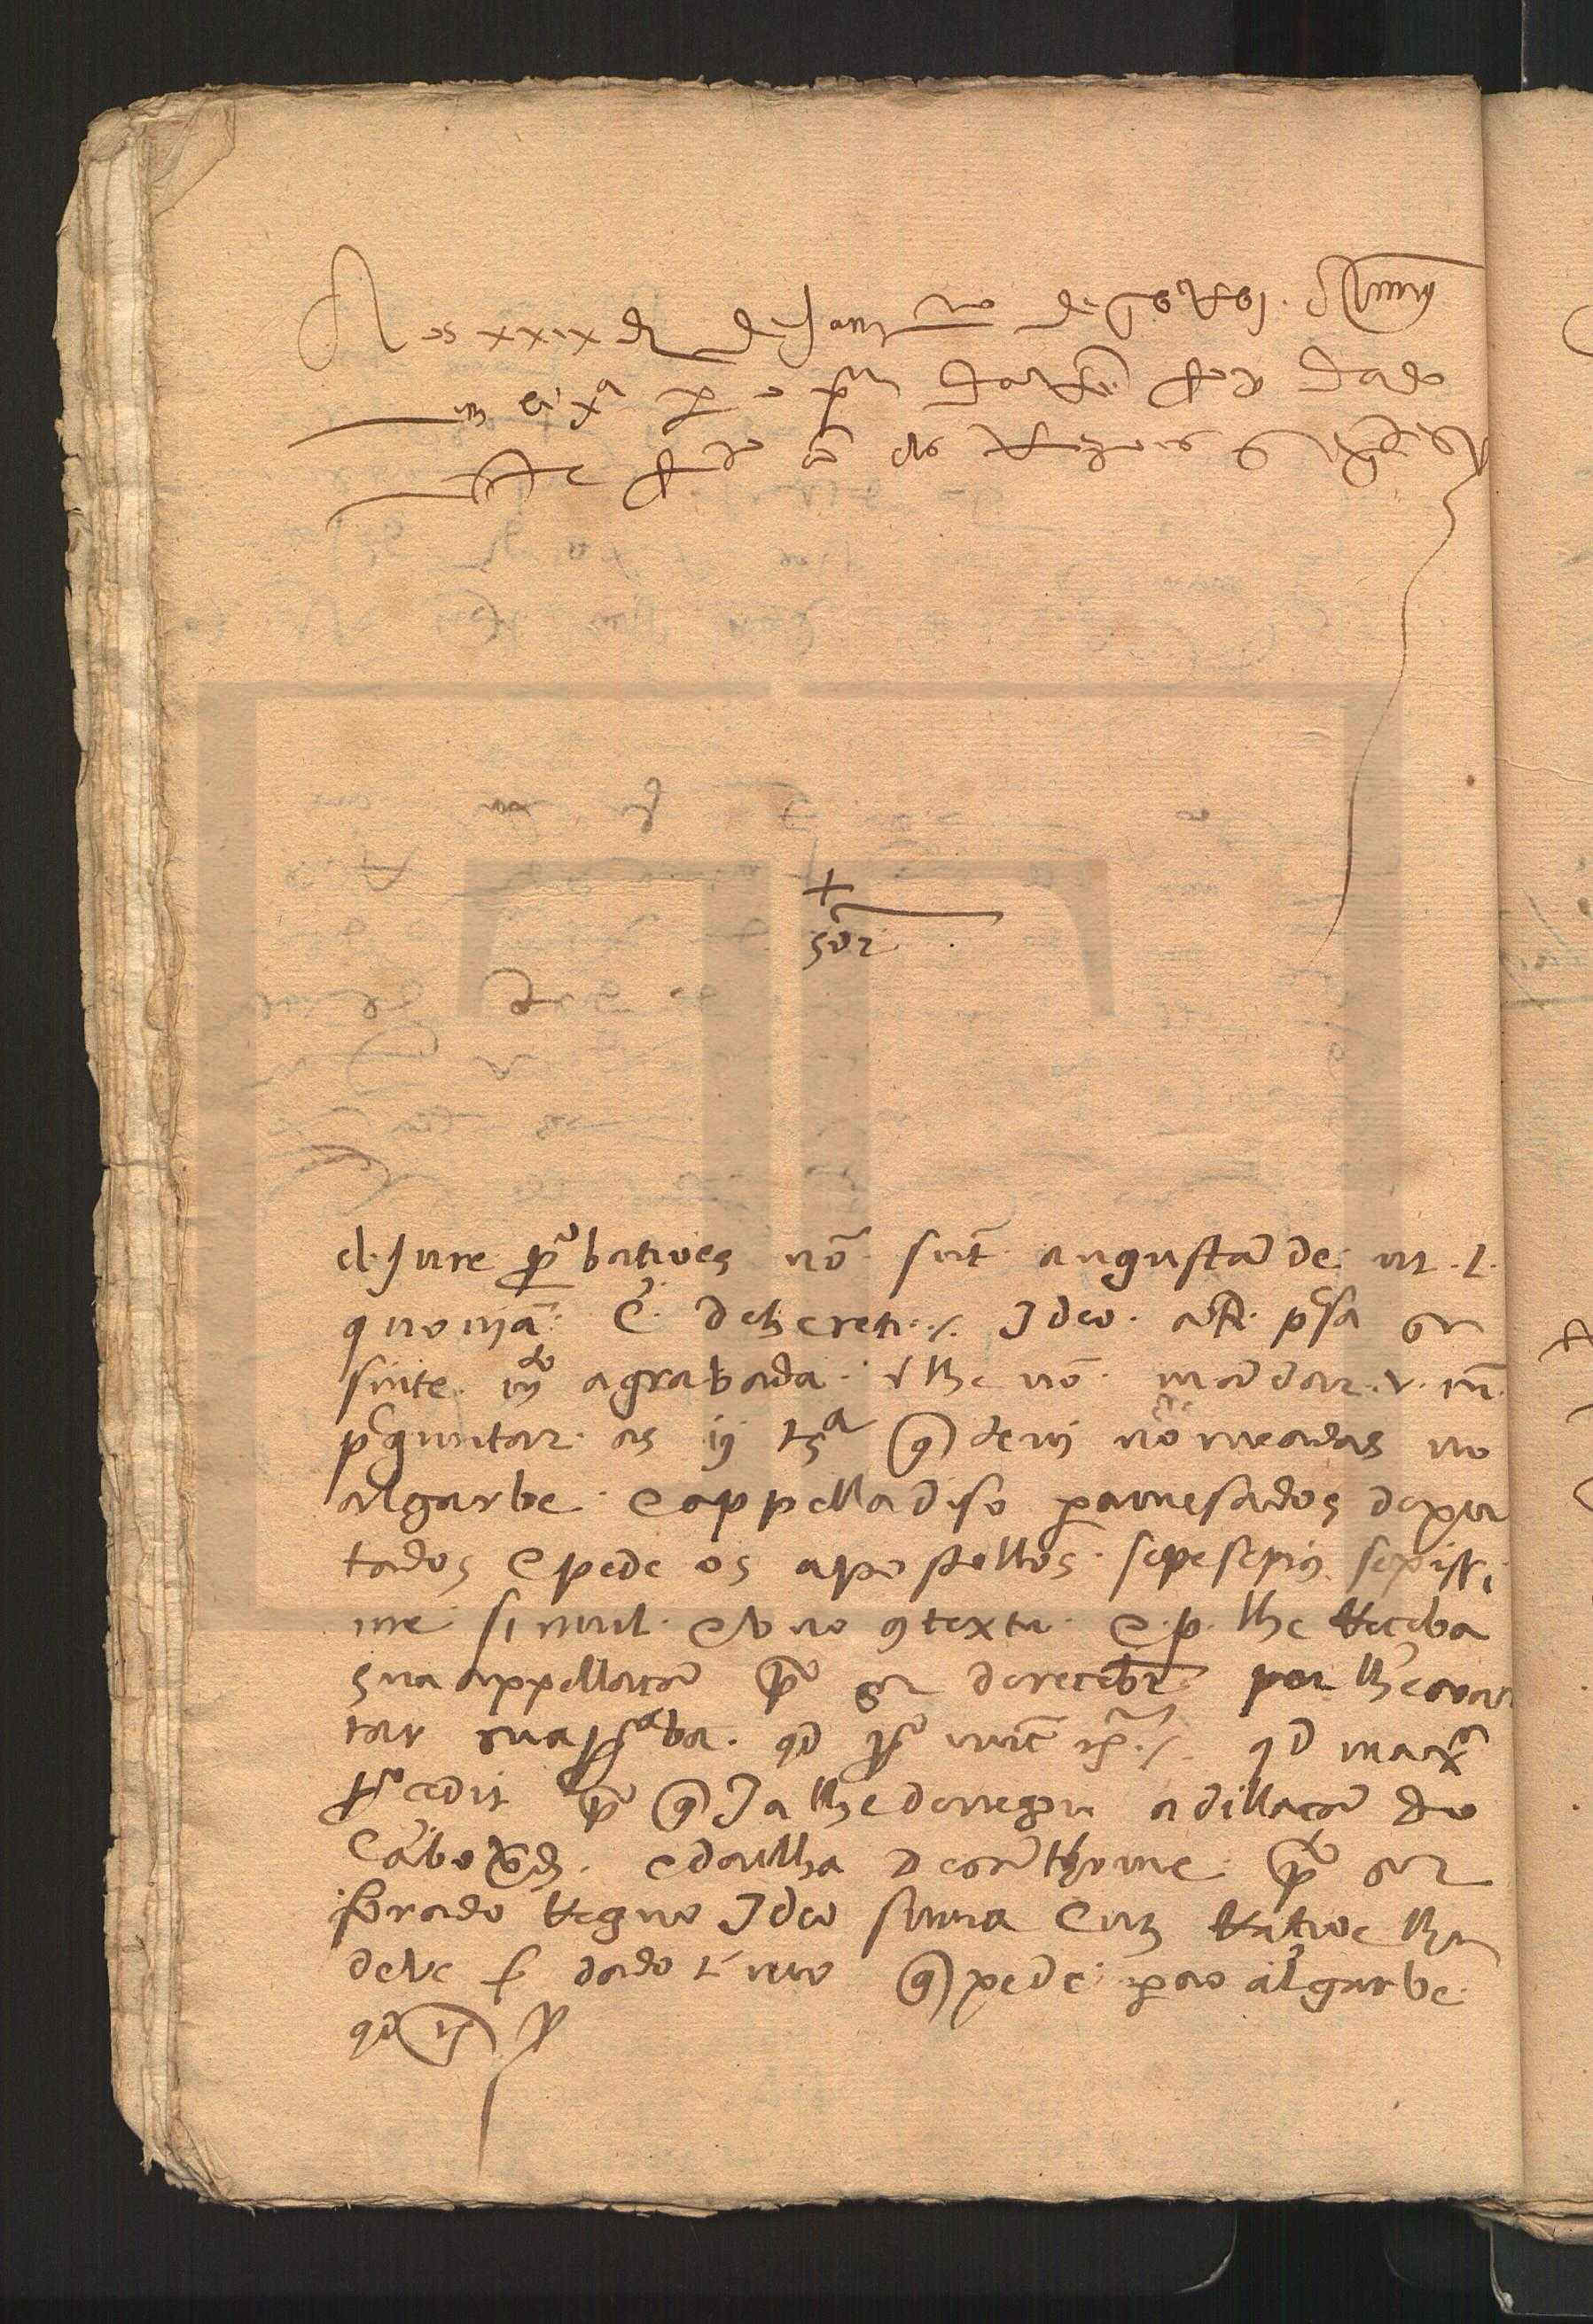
Aos xxix di de Janrro de j̄bRbj Annꝯ
em lixa ꝑ o por da Rēe foy dado
este fto cō Aos Rezoes segtes
Sōr
de Jure ꝓobatioes nō sint̄ augustā de ut .l.
quonjā: C. dehcreti ./. Jdeo. a R. p̄sa se
sinte mto agravada ē lhe nō. mādar. v. m̄.
p̄guntar. as i9 tsa q̄ tem nomeadas no
algarve. e appella diso ꝑ a mesa dos depu
tados e pede os apostollos. sepe sepiꝯ sexissi
me simul. e vero ꝯtestu. e ꝑ. lhe Reçeba
sua appellacā p̄o ser de receb̄r por lhe coar
tar sua ꝓova. qd ꝓomic̄ cꝭ̄./ qd maxn
ꝓoçedit p̄oq̄ Ja lhe denegou a dillaçā do
cabo ꝟde. e da ilha de sā thome p̄o ser
fora do Regno Jdeo sintia cuꝫ Raçio e lhe
deve ꞩ dado te mo q̄ pede ꝑa o algarve
qd c̄ꝭ
